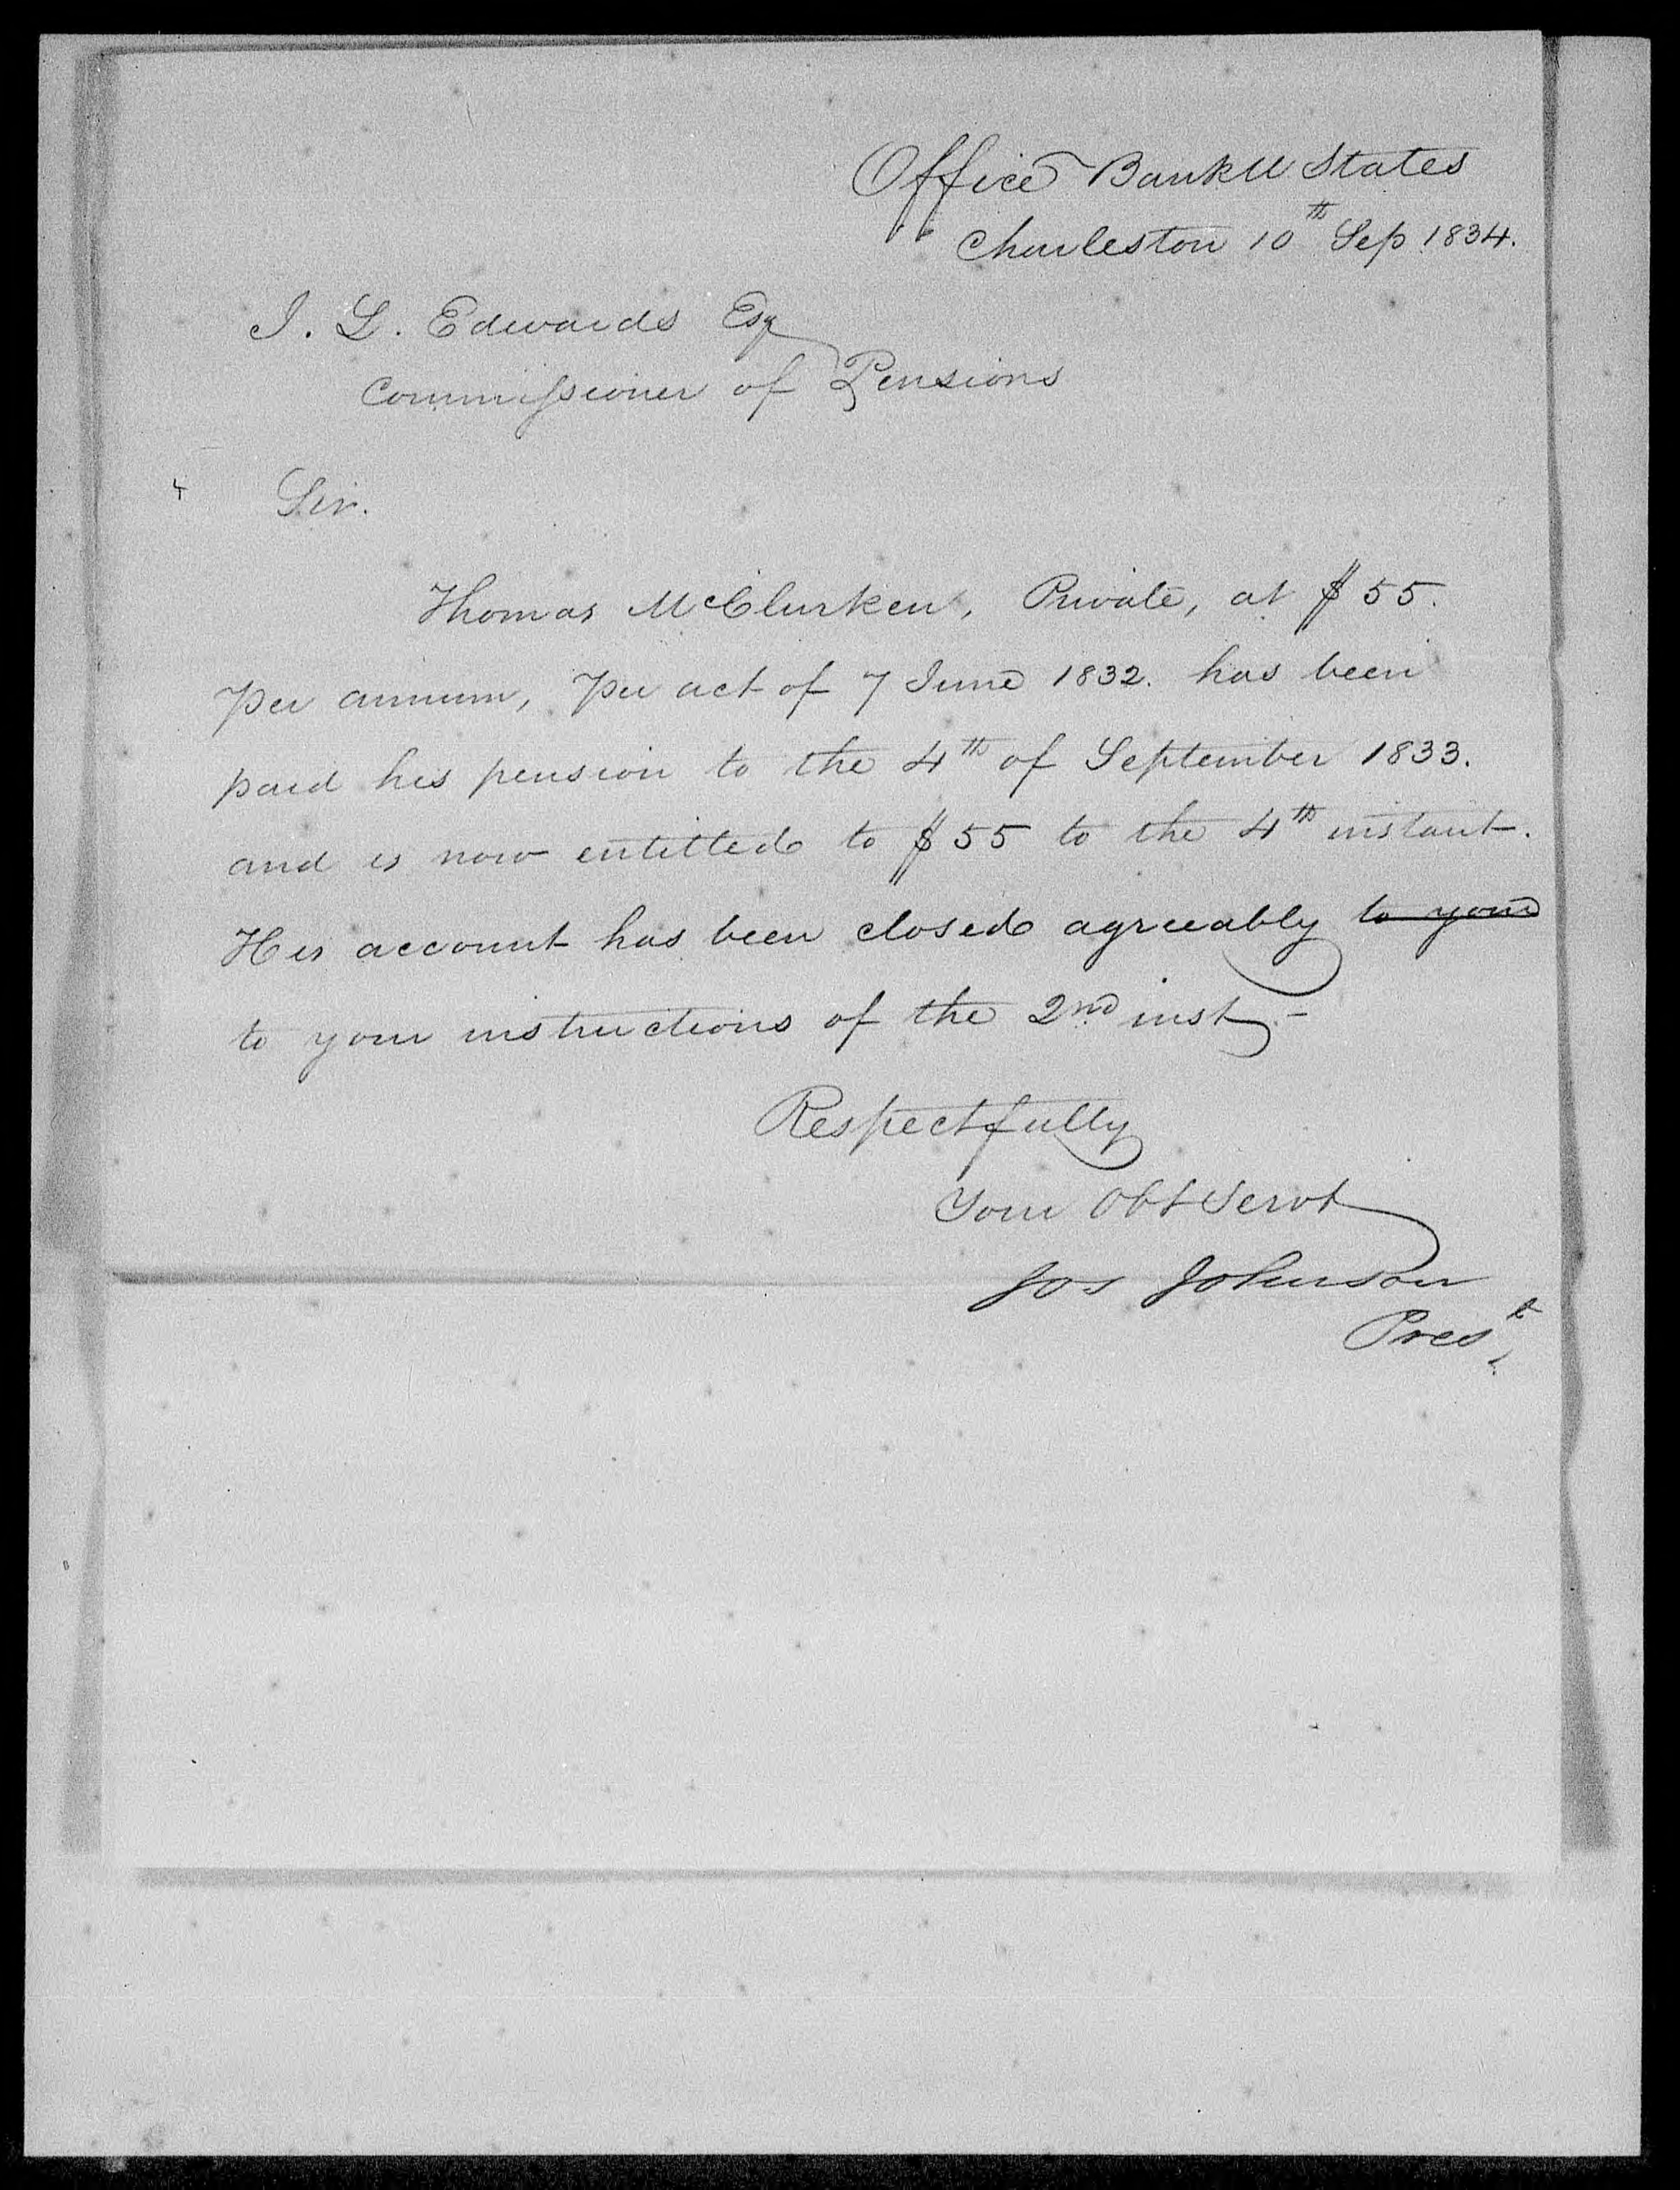Office Bankll States 
Charleston 10th Sep 1834

J.L. Edwards Esq 
Commissioner of Pensions 

Sir:

Thomas McClurken, Private, at $55. per annum, per act of 7 June 1832, has been paid his pension to the 4th of September 1833 and is now entitled to $55 to the 4th instant. 
His account has been closed agreeably to your instructions of the 2nd insts.

 Respectfully 
Your Obt Servt 
Jr Johnson 
Pres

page: 40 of 93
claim: widow's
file: W. 21792, for Thomas Mc Clurken, South Carolina